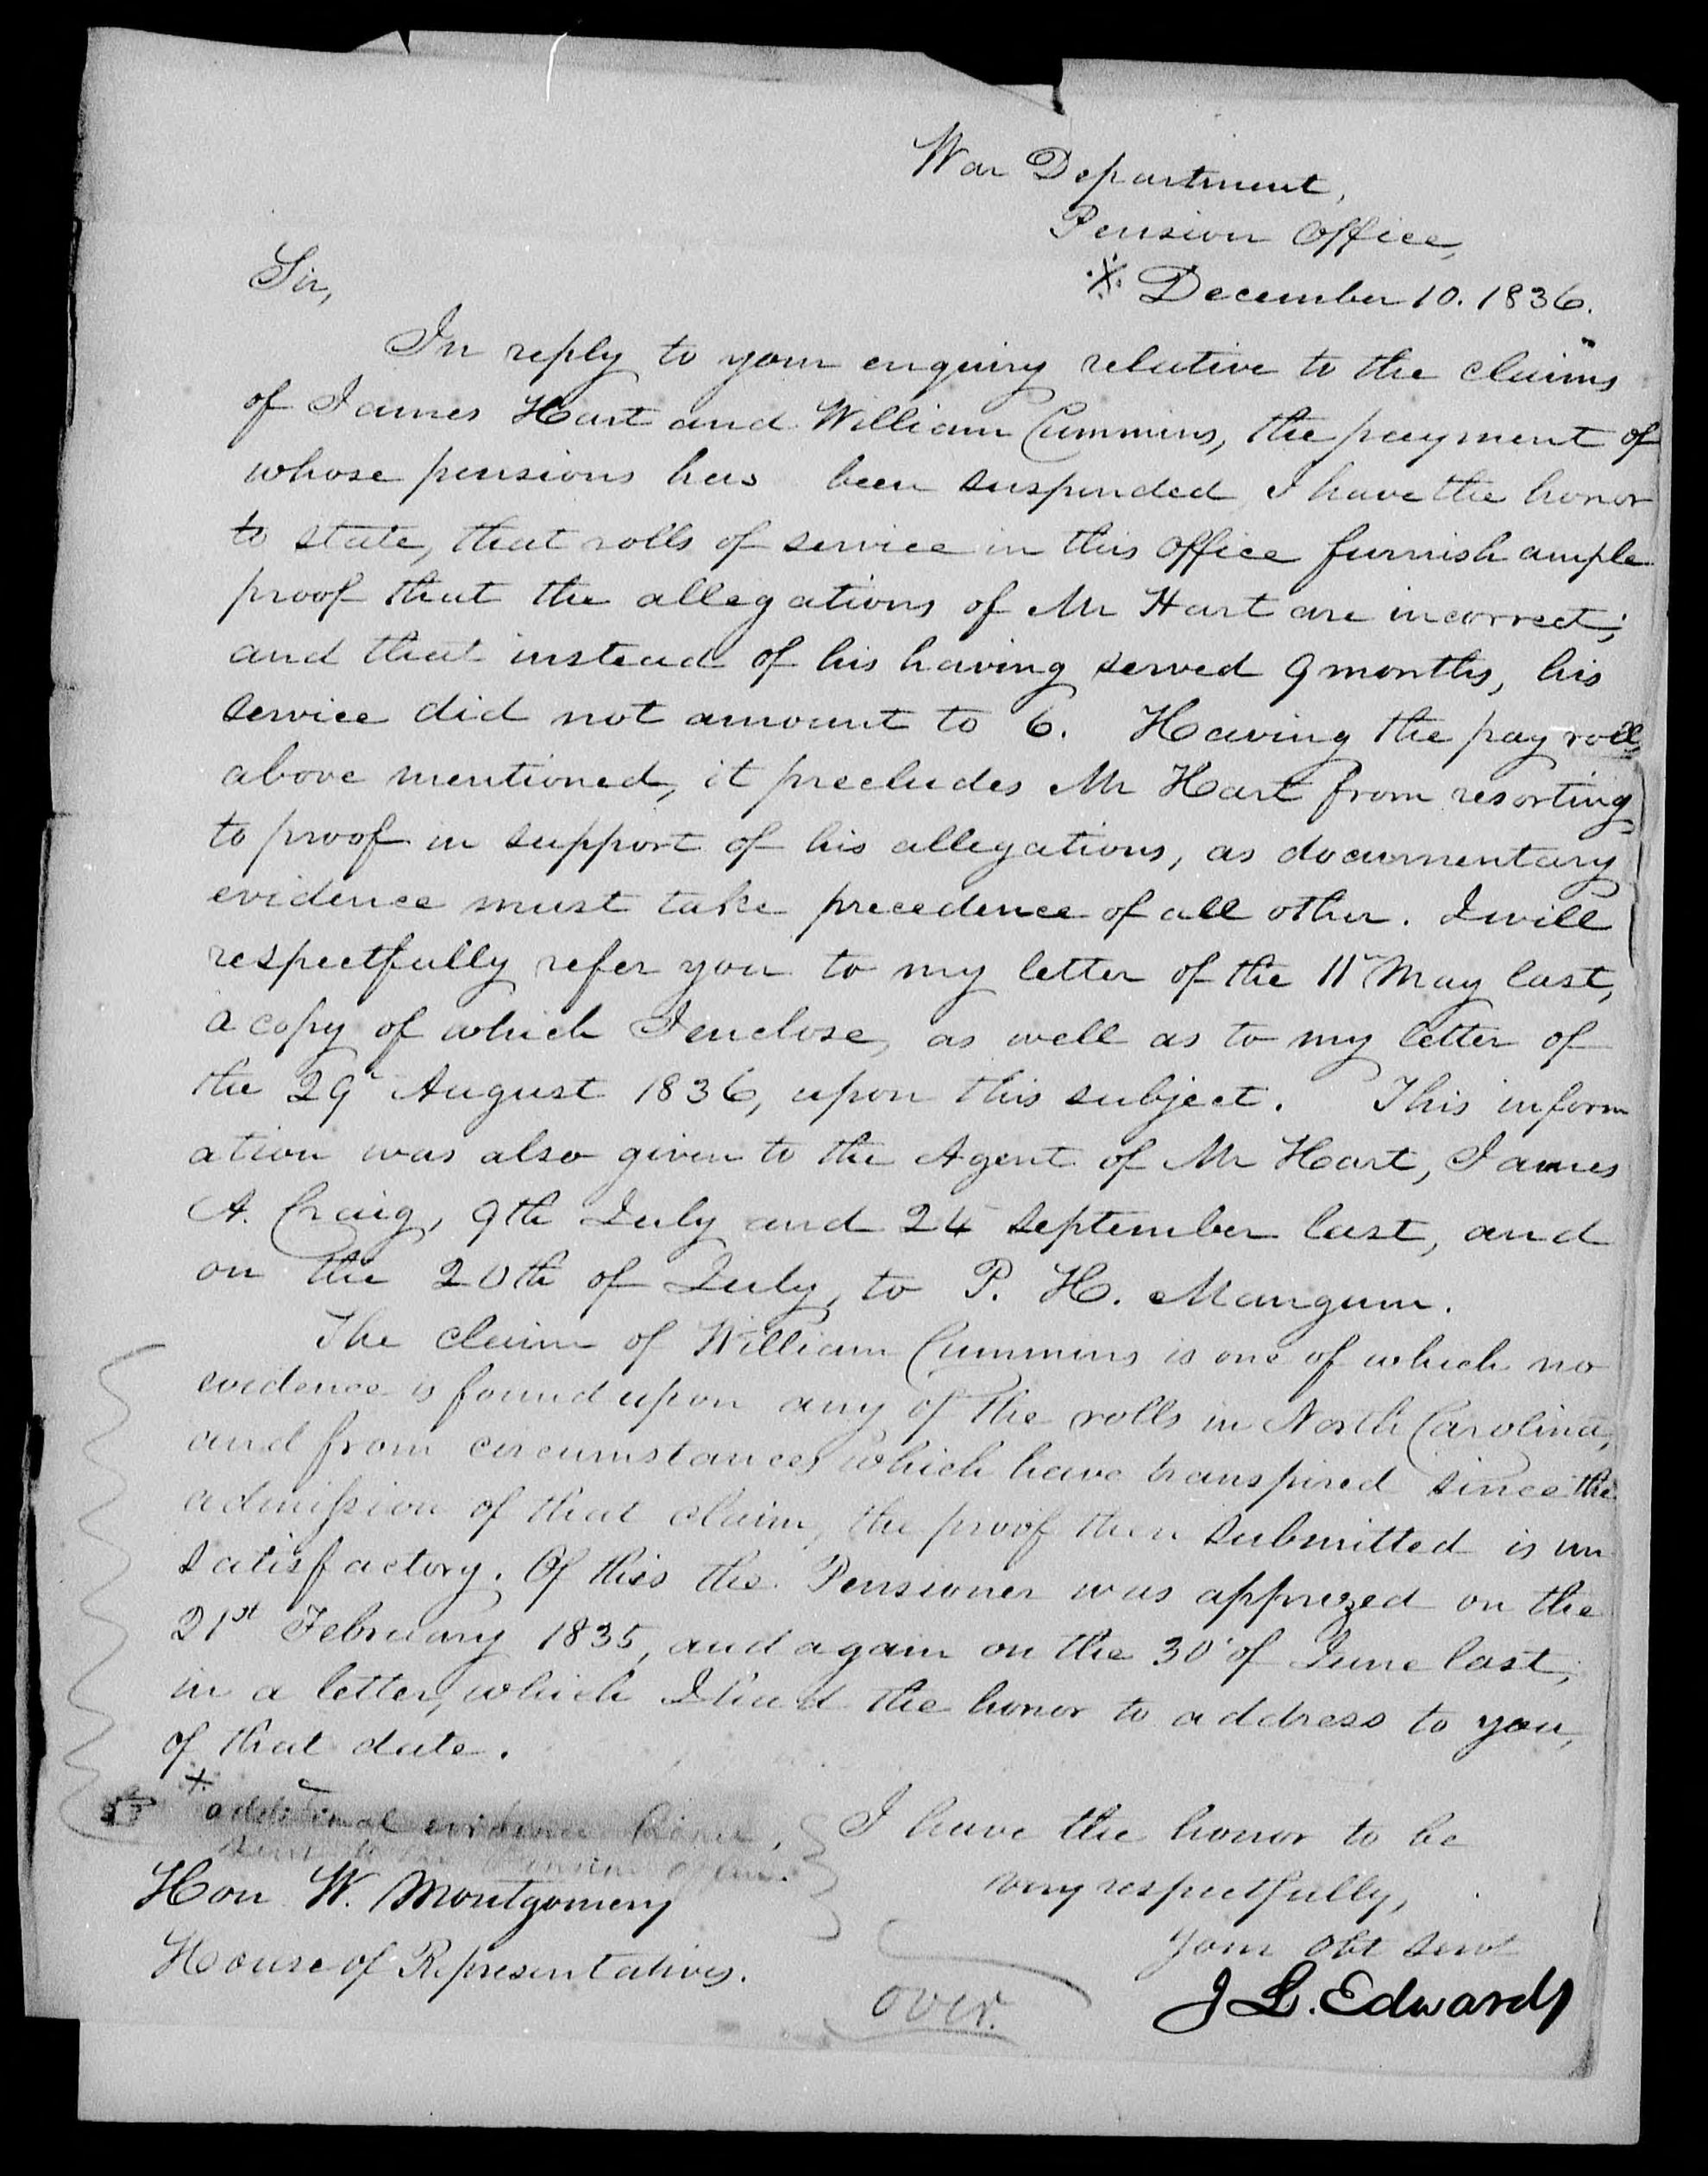[Handwritten letter.  Occasional spacing has been added to make the long text block easier to read.]

War Department,
Pension Office,
[Before the following date, there is a large X mark, with a period in each space around the letter:]
December 10. 1836.

Sir, 
In reply to your enquiry relative to the claims of James Hart and William Cummins, the payment of whose pensions has been suspended I have the honor to state, that rolls of service in this office furnish ample proof that the allegations of Mr. Hart are incorrect; and that instead of his having served 9 months, his service did not amount to 6.  

Having the pay roll above mentioned, it precludes Mr Hart from resorting to proof in support of his allegations, as documentary evidence must take precedence of all other.  I will respectfully refer you to my letter of the 11 May last, a copy of which I enclose, as well as to my letter of the 29 August 1836, upon this subject.  This information was also given to the Agent of Mr Hart, James A. Craig, 9th July and 24 September last, and on the 20th of July, to P. H. Mangum.

[The following paragraph and one additional sentence below it, are all enclosed with hand-drawn bracketing at the left side margin of the page.]  
The claim of William Cummins is one of which no evidence is found upon any of the rolls in North Carolina, and from circumstances which have transpired since the admission of that claim, the proof then Submitted is unsatisfactory.  Of this the. Pensioner was apprized on the 21st February 1835, and again on the 30 of June last, in a letter, which I had the honor to address to you, of that date.  [Immediately following that is some handwritten text which appears to have been erased, and is now nearly illegible.]
[Here one additional sentence starts with a hand-drawn image of a hand pointing to the following text, with an X sign with a period in each space around the X:]  additional evidence [?] Since, sent to the Pension office. [Bracket sign]

I have the honor to be 
very respectfully, Your obt Servt [Your obedient Servant]
[Signature in dark ink]  J L. Edwards

Hon W. Montgomery
House of Representatives.  

[The following word has a hand-drawn slight swirl above and below the word:] over.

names: William Cummins, Hart, P H Mangum, William Cummins, Hart, J L Edwards, Hart, James Hart, James A Craig, W Montgomery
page: 65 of 145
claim: survivor's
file: S. 8265, William Cumming, N.C.